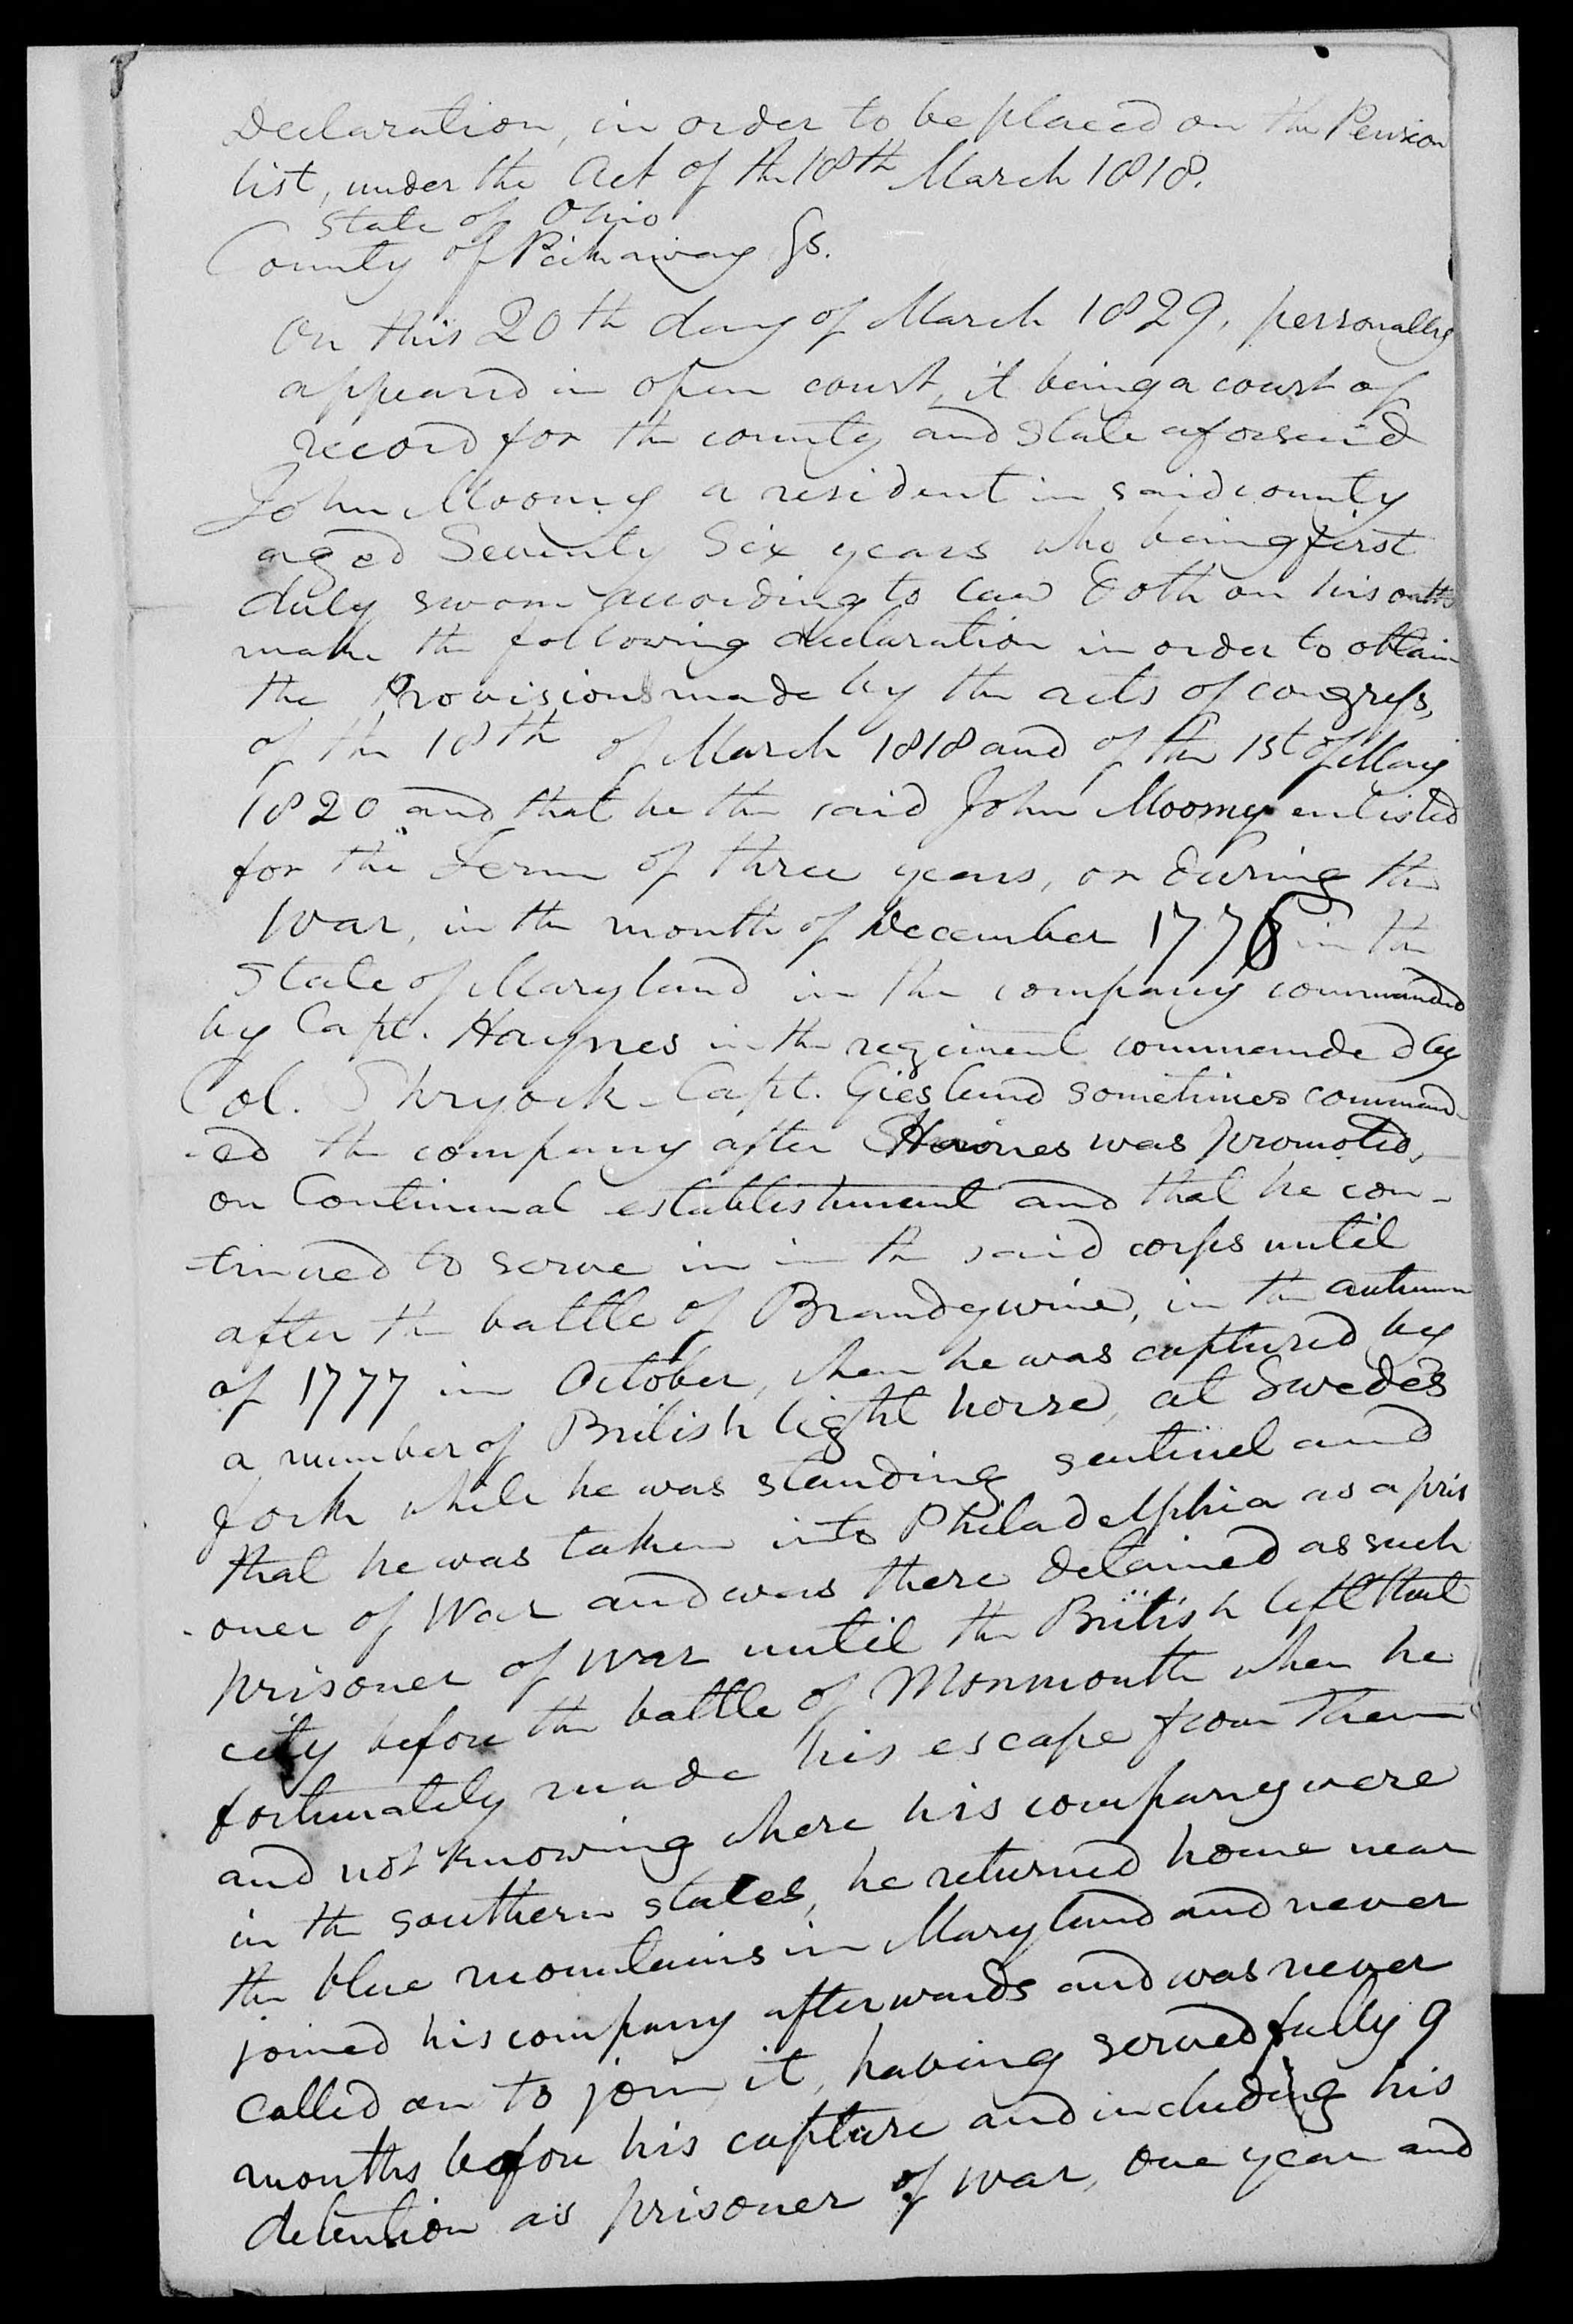Declaration, in order to be placed on the Pension list, under the Act of Ar. 18th March 1818.
State of Ohio
County of Pihaway
On this 20th day of March 1829, personally appeared in open court it being a court of record for the county and state aforesaid John Mooney a resident in said county aged seventy-six years who being first duly sworn according to law oath and his oaths make the following declaration in order to obtain the provisions made by the acts of congress of the 18th of March 1818 and of the 1st of May 1820 and that he than said John Mooney enlisted for the term of three years on during the war in the month of December 1770 in the State of Maryland in the company commanded by Capt. Haynes in the regiment commanded by Col. Shryork, Capt. Gieslund sometimes commanded the company after Haynes was promoted on Continual establishment and that he continued to sever in the said corps until after the battle of Brandywine, in the Autumn of 1777 in October, then he was captured by a member of British light horse at Swedes Fork while he was standing sentinel and that he was taken into Philadelphia as a prisoner of War and was there detained as such prisoner of War until the British left that city before the battle of Monmouth when he fortunately made his escape from them and not knowing where his company were in the southern states he returned home near the blue mountains in Maryland and never joined his company afterwards and was never called on to join it having served fully 9 months before his capture and including his detention as prisoner of war was One year and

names: [BLANK] Giesland; [BLANK] Shryock; John Moomy; [BLANK] Haynes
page: 7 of 9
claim: rejected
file: R. 16,627, for John Mummy, Maryland